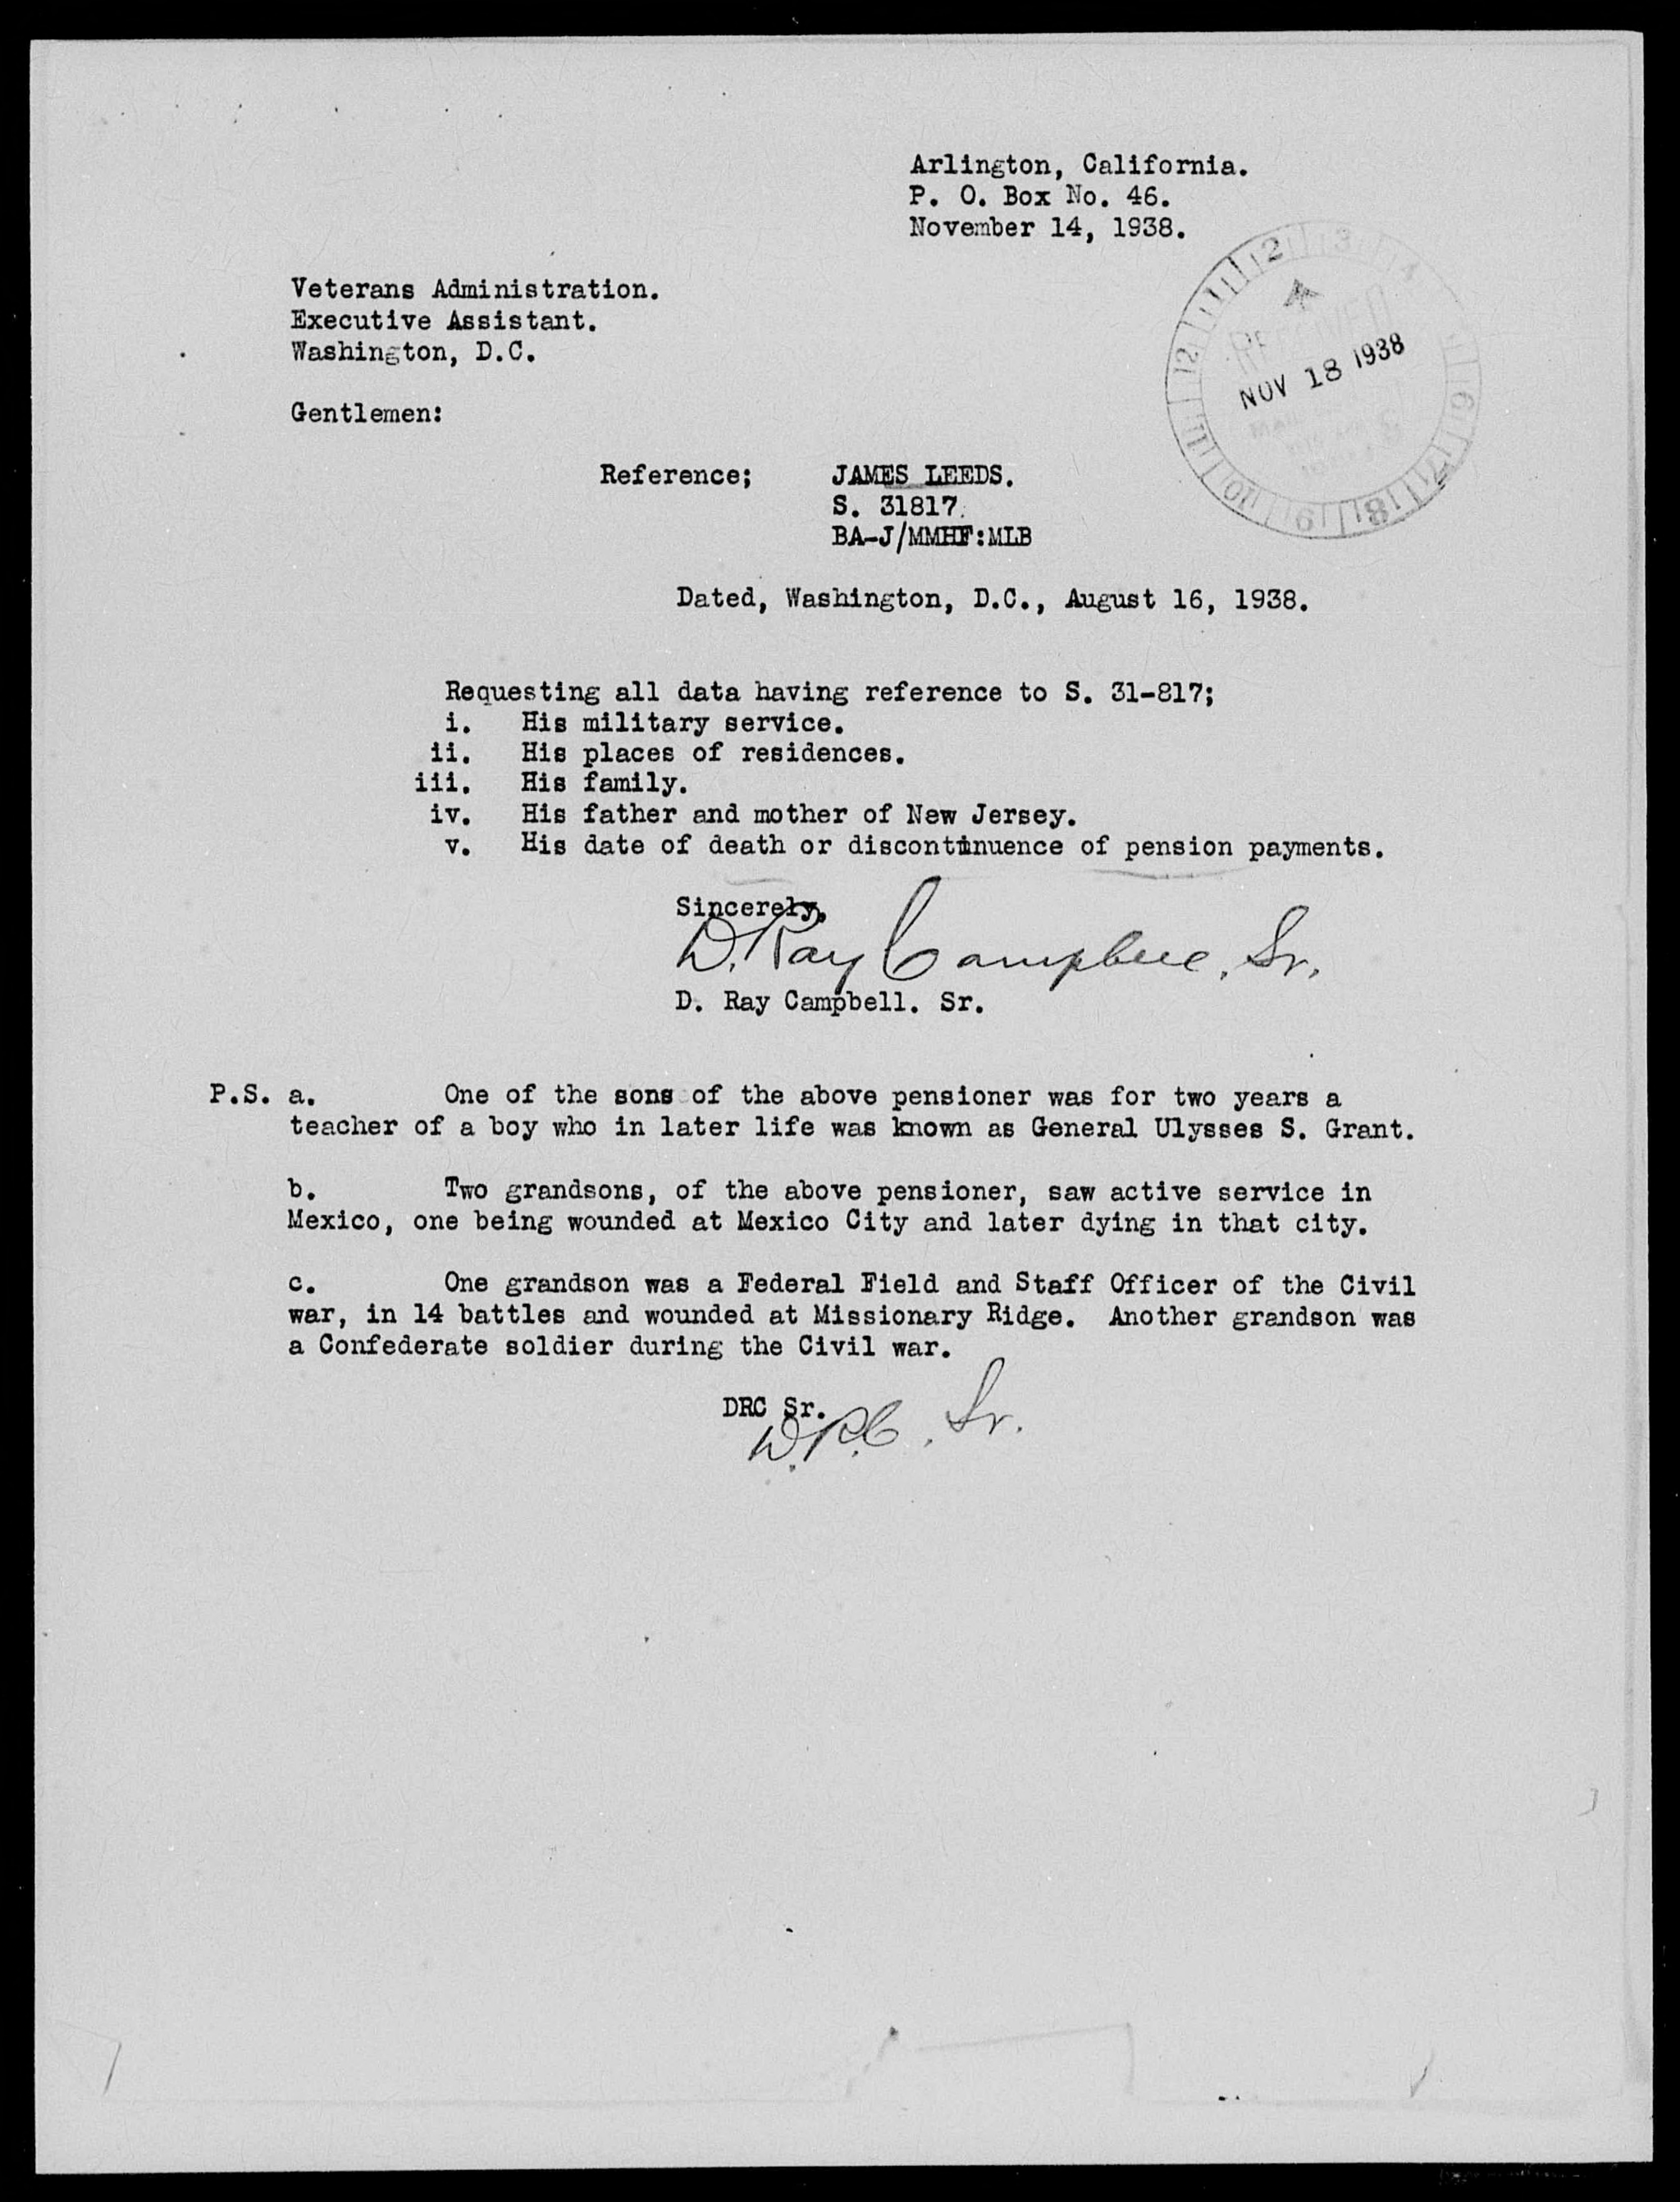Arlington, California.
P.O. Box No. 46.
November 14, 1938.

[Official stamp]
Number outline the stamp  1 thru 12
RECEIVED 
NOV 18 1938
[Print illegible]

Veterans Administration.
Executive Assistant.
Washington, D.C.

Gentlemen:

Reference; JAMES LEEDS. S. 31817 BA-J/MMHF:MLB

Dated, Washington, D.C., August 16, 1938.

Requesting all data having reference to S. 31-817;
i.    His military service.
ii.   His Places of residences.
iii.  His family.
iv.  His father and mother of New Jersey.
v.  His date of death or discontinuence of pension payments.

Sincerely,

D. Ray Campbell, Sr. [Signature]

D. Ray Campbell. Sr. [Typed]

P.S.    a.     One of the sons of the above pensioner was for two years a teacher of a boy who in later life was known as General Ulysses S. Grant.

           b.     Two grandsons, of the above pensioner, saw active service in Mexico, one being wounded at Mexico City and late dying in that city.

            c.      One grandson was a Federal Field and Staff Officer of the Civil war, in 14 battles and wounded at Missionary Ridge. Another grandson was a Confederate soldier during the Civil war.

DRC Sr.

D.R.C. Sr. [Signature]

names: James Leeds; D Ray Campbell; Ulysses S Grant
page: 22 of 38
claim: survivor's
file: S 31817, for James Leeds, New Jersey